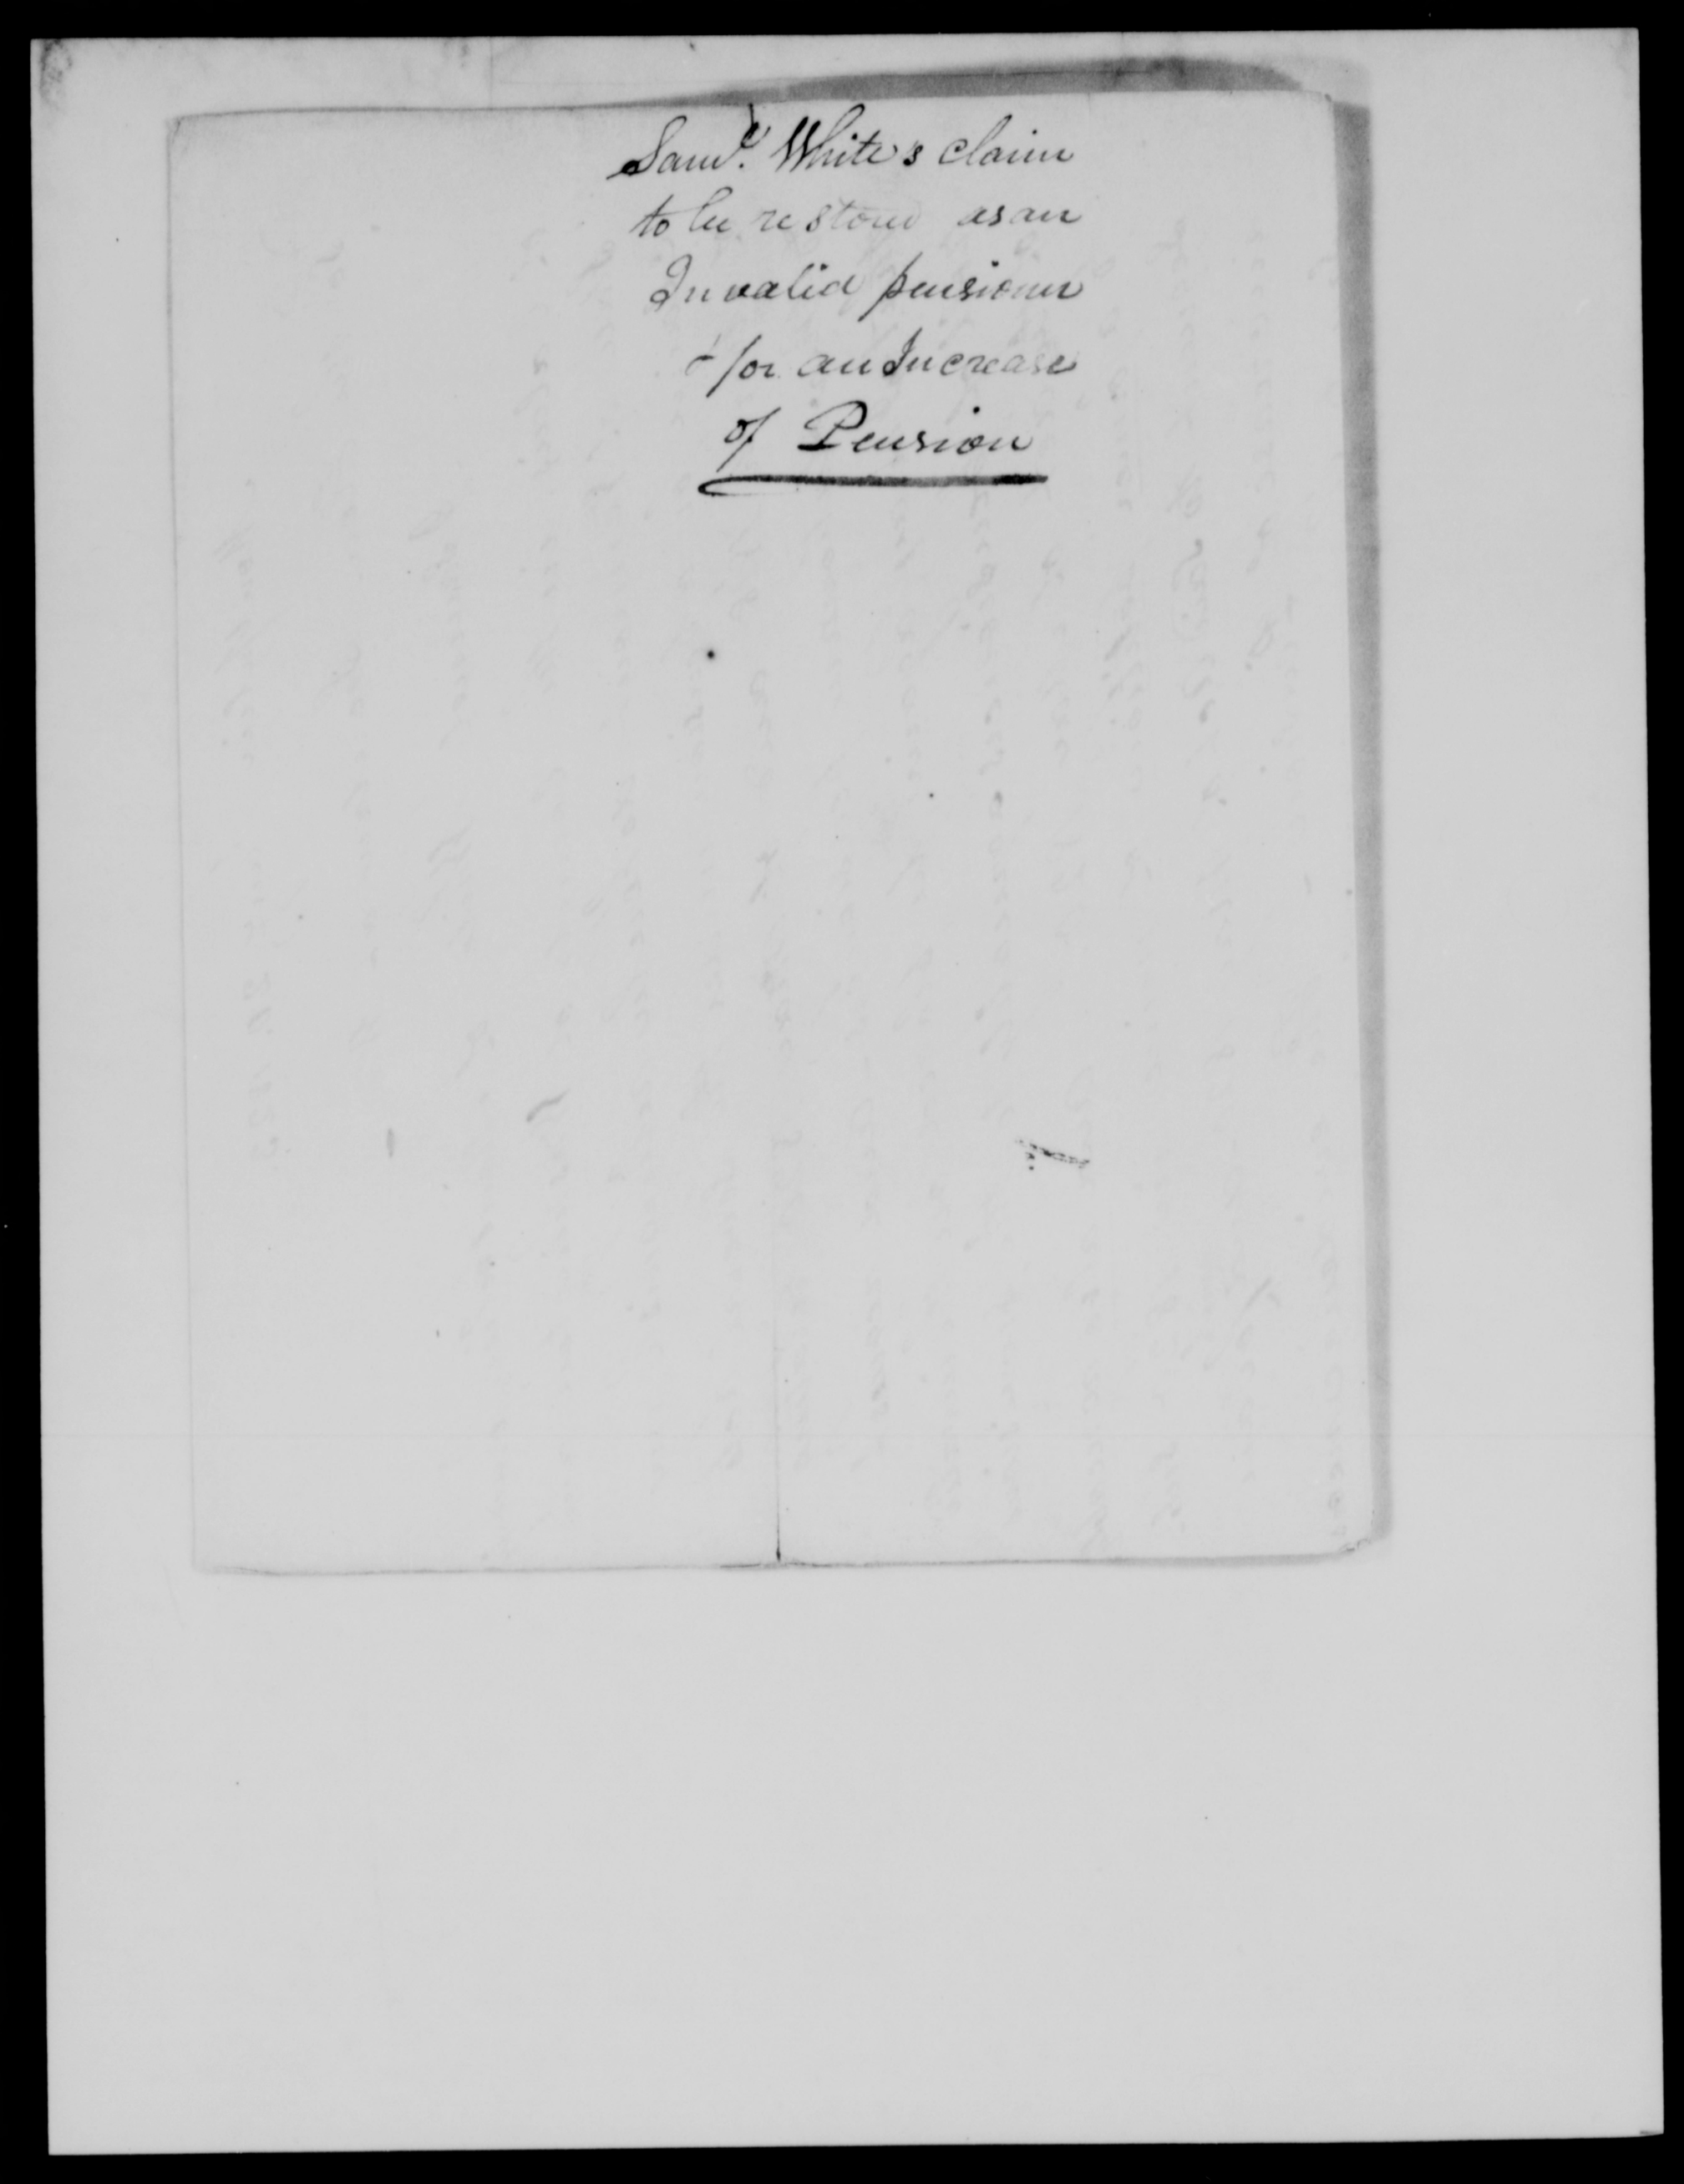Saml. White's claim to be restored as an Invalid pensioner & for an increase of Pension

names: Saml White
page: 45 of 79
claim: survivor's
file: S. 11759, Samuel White, Mass.